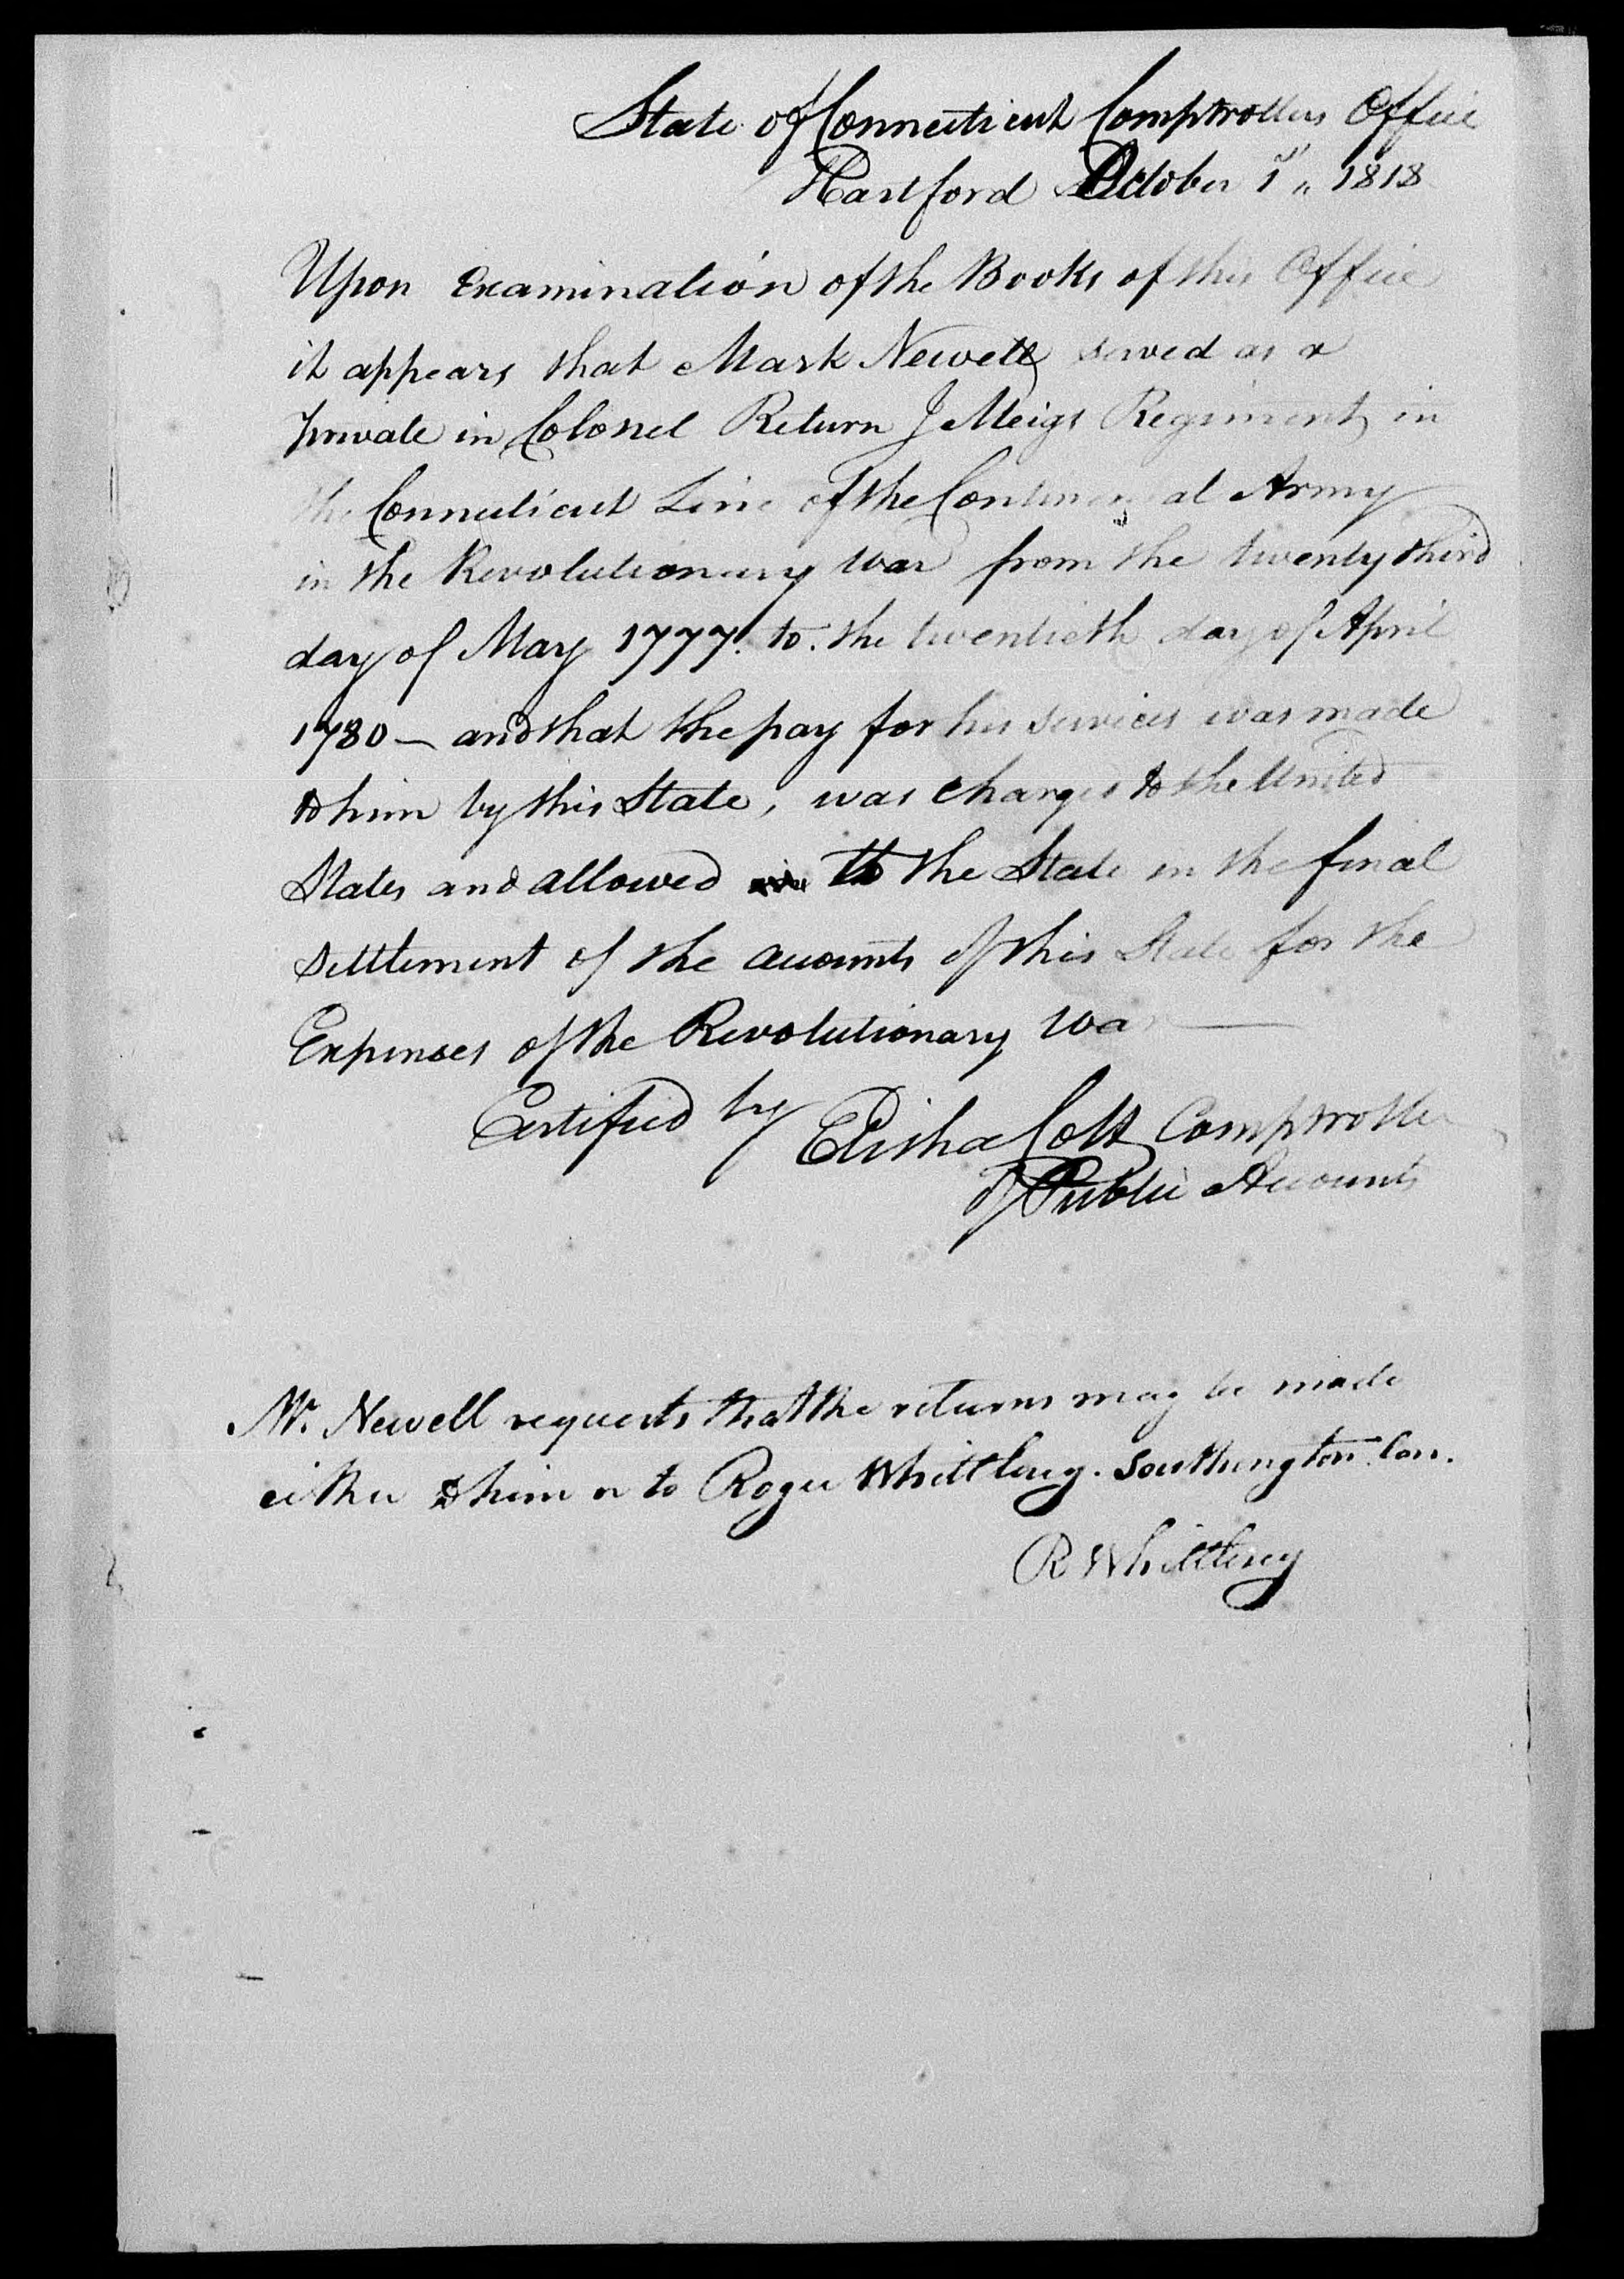State of Connecticut Comptrollers Office
Hartford October 1 1818

Upon examination of the Books of this Office it appears that a Mark Newell served as a private in Colonel Return J Meigs Regiment in the Connecticut Line of the Continental Army in the Revolutionary War from the twenty third day of May 1777 to the twentieth day of April 1780- and that the pay for his services was made to him by this state, was charged to the United States and allowed the State in the final settlement of the accounts of this State for the Expenses of the Revolutionary war- 

Certified by
Elisha Colt Comptroller of Public Accounts

Mr Newell requests that the return may be made either him or to Roger Whittlesey Southington Con.

R Whittlesey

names: Mark Newell; Roger Whittlesey; Elisha Cott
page: 9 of 9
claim: survivor's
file: S. 36190, for Mark Newell, Connecticut